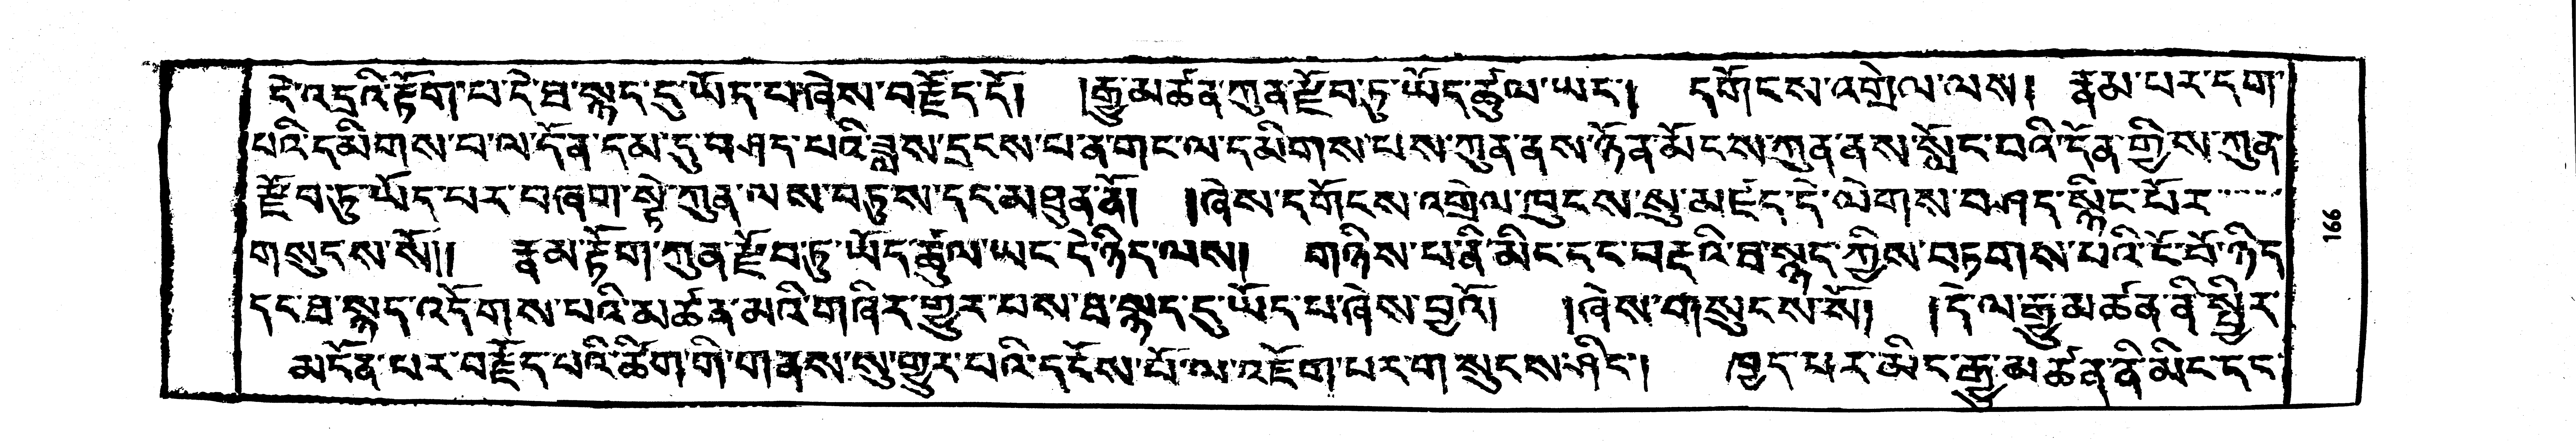དེ་འདྲའི་རྟོག་པ་དེ་ཐ་སྙད་དུ་ཡོད་པ་ཞེས་བརྗོད་དོ། །རྒྱུ་མཚན་ཀུན་རྫོབ་ཏུ་ཡོད་ཚུལ་ཡང་། དགོངས་འགྲེལ་ལས། རྣམ་པར་དག་
པའི་དམིགས་པ་ལ་དོན་དམ་དུ་བཤད་པའི་ཟླས་དྲངས་པ་ན་གང་ལ་དམིགས་པས་ཀུན་ནས་ཉོན་མོངས་ཀུན་ནས་སློང་བའི་དོན་གྱིས་ཀུན་
རྫོབ་ཏུ་ཡོད་པར་བཞག་སྟེ་ཀུན་ལས་བཏུས་དང་མཐུན་ནོ། །ཞེས་དགོངས་འགྲེལ་ཁུངས་སུ་མཛད་དེ་ལེགས་བཤད་སྙིང་པོར་
གསུངས་སོ། །རྣམ་རྟོག་ཀུན་རྫོབ་ཏུ་ཡོད་ཚུལ་ཡང་དེ་ཉིད་ལས། གཉིས་པ་ནི་མིང་དང་བརྡའི་ཐ་སྙད་ཀྱིས་བཏགས་པའི་ངོ་བོ་ཉིད་
དང་ཐ་སྙད་འདོགས་པའི་མཚན་མའི་གཞིར་གྱུར་པས་ཐ་སྙད་དུ་ཡོད་པ་ཞེས་བྱའོ། །ཞེས་གསུངས་སོ། །དེ་ལ་རྒྱུ་མཚན་ནི་སྤྱིར་
མངོན་པར་བརྗོད་པའི་ཚིག་གི་གནས་སུ་གྱུར་པའི་དངོས་པོ་ལ་འཇོག་པར་གསུངས་ཤིང་། ཁྱད་པར་མིང་རྒྱུ་མཚན་ནི་མིང་དང་